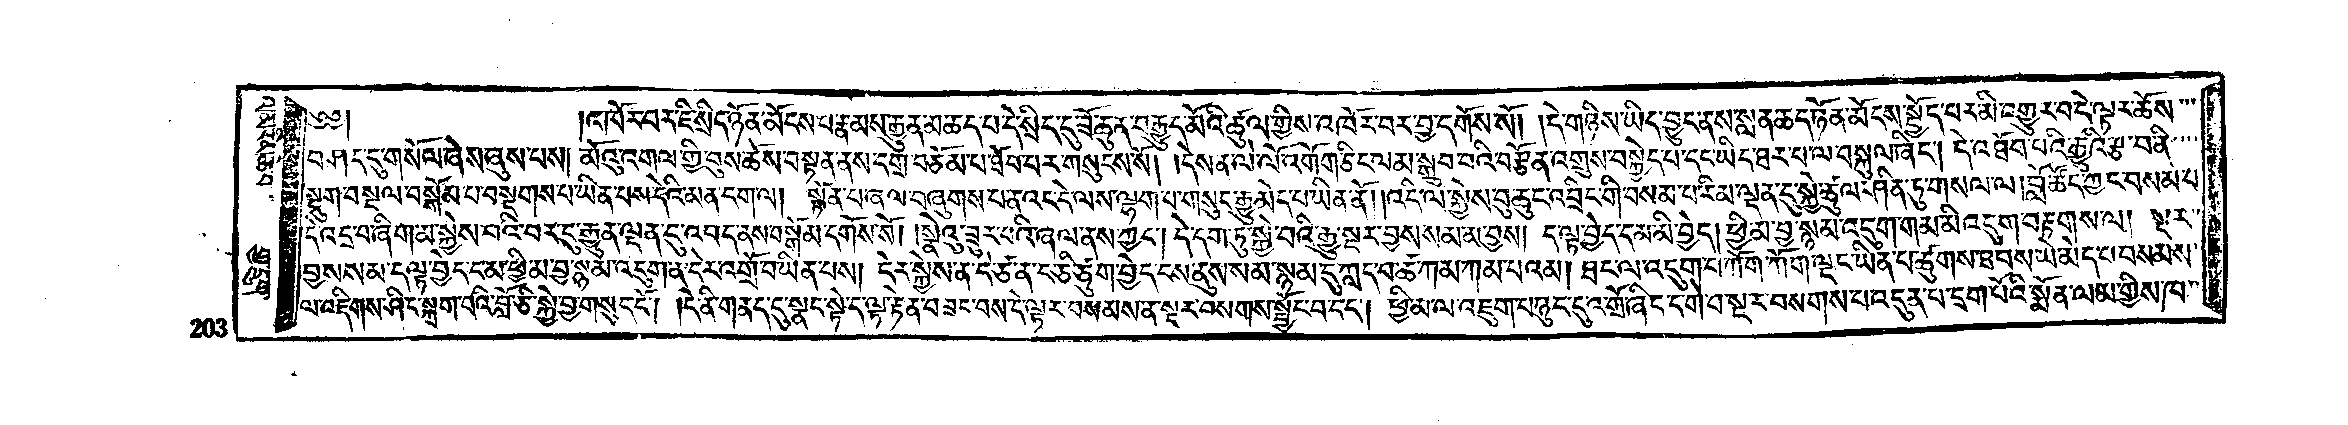༄༅། །འཁོར་བར་ཇི་སྲིད་ཉོན་མོངས་པ་རྣམས་རྒྱུན་མཆད་པ་དེ་སྲིད་དུ་ཟོ་ཆུན་བརྒྱུད་མོའི་ཚུལ་གྱིས་འཁོར་བར་བྱ་དགོས་སོ། །དེ་གཉིས་ཡིད་བྱུང་ནས་སླན་ཆད་ཉོན་མོངས་སྤྱོད་པར་མི་འགྱུར་བ་དེ་ལྟར་ཆོས་
བཤད་དུ་གསོལ་ཞེས་ཞུས་པས། མོའུ་འགལ་གྱི་བུས་ཆོས་བསྟན་ནས་དགྲ་བཅོམ་པ་ཐོབ་པར་གསུངས་སོ། །དེས་ན་ལེ་ལོ་འགོག་ཅིང་ལམ་སྒྲུབ་པའི་བརྩོན་འགྲུས་བསྐྱེད་པ་དང་ཡིད་ཐར་པ་ལ་བསྐུལ་ཞིང་། དེ་འཐོབ་པའི་རྒྱུའི་རྩ་བ་ནི་
སྡུག་བསྔལ་བསྒོམ་པ་བསྔགས་པ་ཡིན་པས་དེའི་མན་ངག་ལ། སྟོན་པ་ཞལ་བཞུགས་པ་ནའང་དེ་ལས་ལྷག་པ་གསུང་རྒྱུ་མེད་པ་ཡིན་ནོ། །འདི་ལ་སྐྱེས་བུ་ཆུང་འབྲིང་གི་བསམ་པ་རིམ་ལྡན་དུ་སྐྱེ་ཚུལ་ཤིན་ཏུ་གསལ་ལ། བློ་ཚོད་ཀྱང་བསམ་པ་
དེ་འདྲ་བཞིག་མ་སྐྱེས་པའི་བར་དུ་རྒྱུན་ལྡན་དུ་འབད་ནས་བསྒོམ་དགོས་སོ། །སྣེའུ་ཟུར་པའི་ཞལ་ནས་ཀྱང་། དེ་དག་ཏུ་སྐྱེ་བའི་རྒྱུ་སྔར་བྱས་སམ་མ་བྱས། ད་ལྟ་བྱེད་དམ་མི་བྱེད། ཕྱི་མ་བྱ་སྙམ་འདུག་གམ་མི་འདུག་བརྟགས་ལ། སྔར་
བྱས་སམ་ད་ལྟ་བྱེད་དམ་ཕྱི་མ་བྱ་སྙམ་འདུག་ན་དེར་འགྲོ་བ་ཡིན་པས། དེར་སྐྱེས་ན་དེ་ཙ་ན་ང་ཅི་ཙུག་བྱེད་ངས་ནུས་སམ་སྙམ་དུ་ཀླད་པ་ཚ་ཀམ་ཀམ་པའམ། ཐང་ལ་འདུག་པ་ཀོག་ཀོག་ལྡང་ཡིན་པ་ཚུགས་ཐབས་ཡེ་མེད་པ་བསམས་
ལ་འཇིགས་ཤིང་སྐྲག་པའི་བློ་ཅི་སྐྱེ་བྱ་གསུང་ངོ། །དེ་ནི་གནད་དུ་སྣང་སྟེ་ད་ལྟ་རྟེན་བཟང་བས་དེ་ལྟར་བསམས་ན་སྔར་བསགས་སྦྱོང་བ་དང་། ཕྱི་མ་ལ་འཇུག་པ་ཉུང་དུ་འགྲོ་ཞིང་དགེ་བ་སྔར་བསགས་པ་འདུན་པ་དྲག་པོའི་སྨོན་ལམ་གྱིས་ཁ་